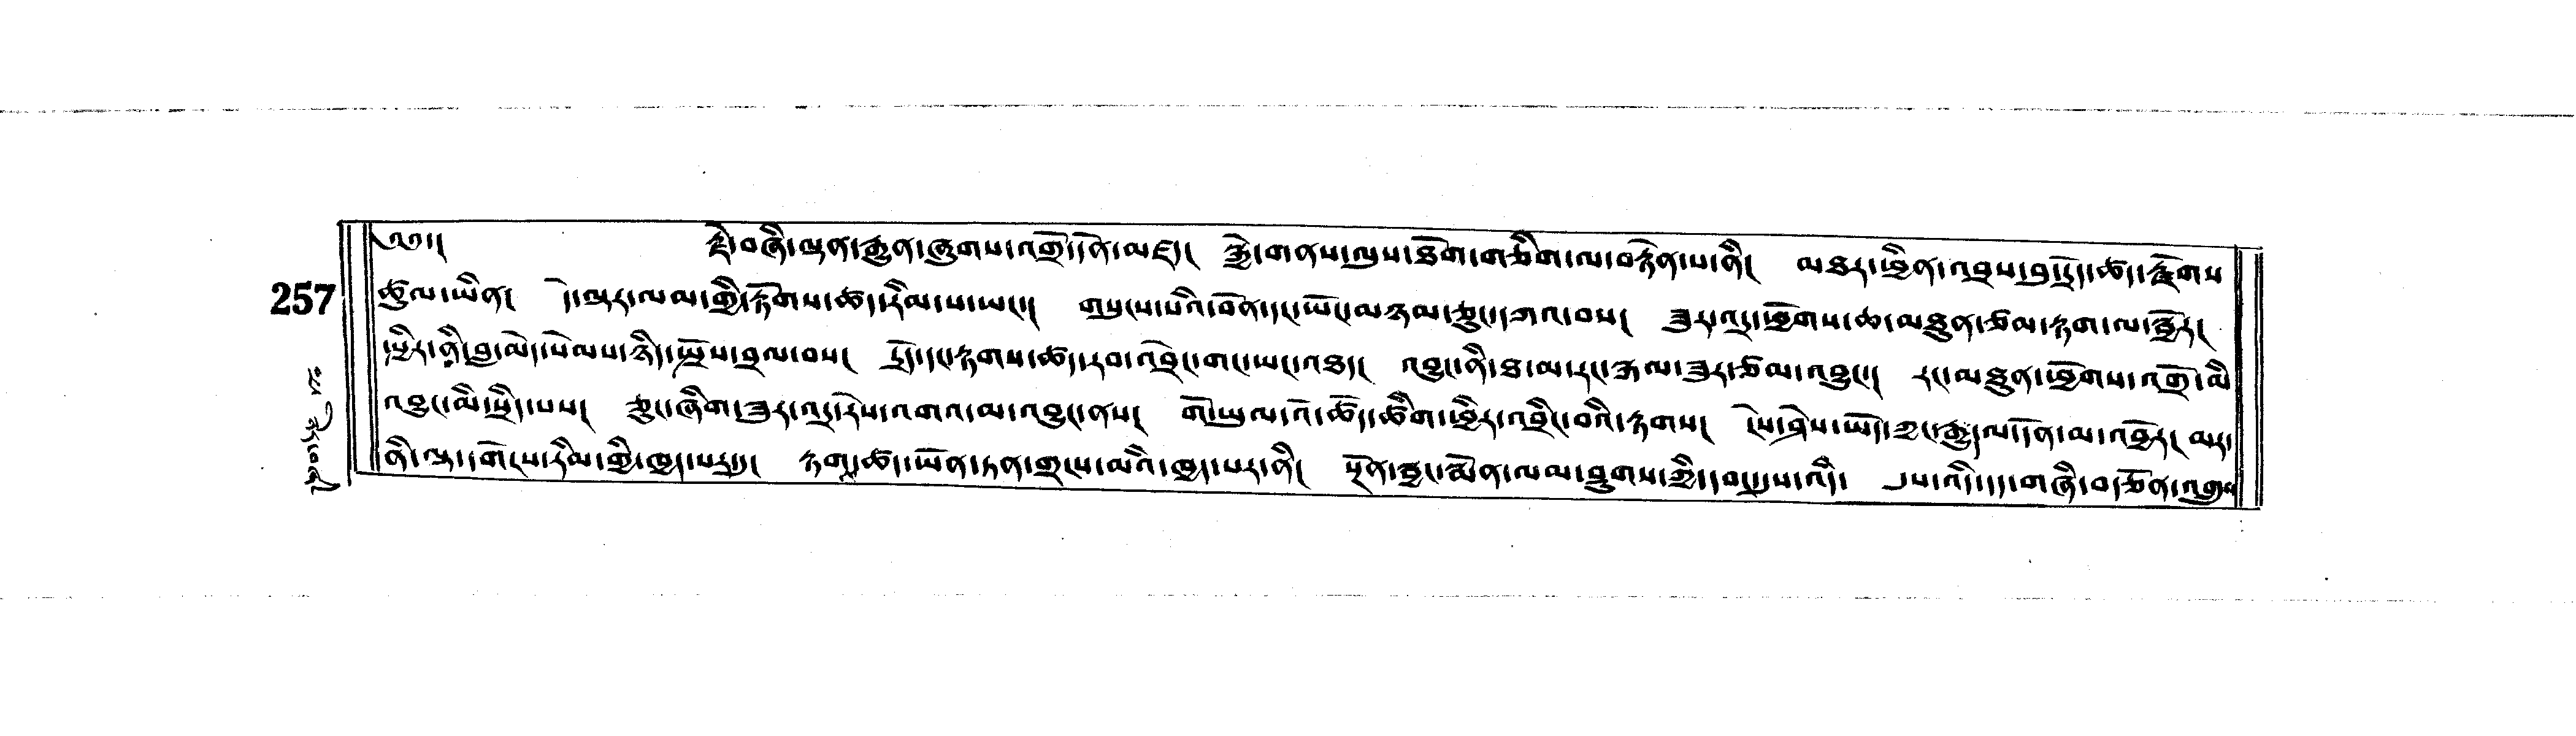རྗེ་བཞི་ལྡན་རྒྱུན་ཞུགས་འགྲོ་དོན་མཛད། སྐྱེ་གནས་ལུས་ཐོག་གཅིག་ལ་བརྟེན་པ་ནི། མཐར་ཕྱིན་འབྲས་བུ་དྲོད་ཚད་རྫོགས་
ཚུལ་ཡིན། དེ་ལྟར་ལམ་གྱི་རྟོགས་ཚད་རིམ་པ་ཡང་། གསུངས་པའི་བོན་དང་ཡོངས་མཉམ་ཅུང་དཀའ་བས། ཟུར་འདྲ་ཕྱོགས་ཆ་མཐུན་ཙམ་རྟགས་ལ་སྦྱོར། 
སྤྱིར་ནི་བླ་མེད་སེམས་ཉིད་སྤྲོས་བྲལ་བས། དྲོད་དང་རྟགས་ཚད་རབ་འབྲིང་གང་ཡང་འཐད། འབྱུང་ནི་ཐ་མ་རང་སྐལ་ཟུར་ཙམ་འབྱུང་། རང་མཐུན་ཕྱོགས་འགྲོ་མི་
འབྱུང་མི་སྲིད་པས། ཅུང་ཞིག་ཟུར་འདྲ་རེ་འགའ་མ་འབྱུང་ནས། གོ་ཡུལ་འོལ་ཚོད་ཚིག་ཕྱིར་འབྲེང་བའི་རྟགས། ངེས་ཤེས་ཡོད་ཀྱང་རྒྱུད་ལ་དོན་མ་འབྱོར། མར
ནི་ལྟ་དགོངས་རིམ་གྱི་ཁྱད་པར་དུ། རྟགས་ཚད་ཡོན་ཏན་གྲངས་མའི་ཁྱད་པར་ནི། སྔོན་སྦྱངས་སྨོན་ལམ་ཤུགས་ཀྱི་དབང་དུས་འདི། དུས་འདི་དད་གཞི་བརྩོན་འགྲུས་